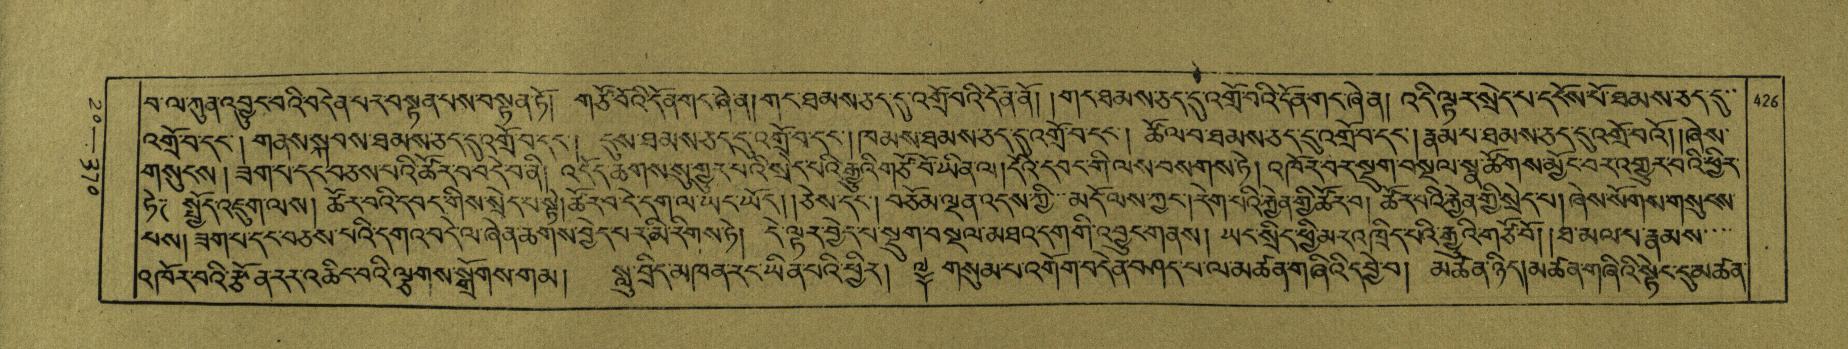བ་ལ་ཀུན་འབྱུང་བའི་བདེན་པར་བསྟན་པས་བསྟན་ཏོ། གཙོ་བོའི་དོན་གང་ཞེ་ན། གང་ཐམས་ཅད་དུ་འགྲོ་བའི་དོན་ནོ། །གང་ཐམས་ཅད་དུ་འགྲོ་བའི་དོན་གང་ཞེ་ན། འདི་ལྟར་སྲེད་པ་དངོས་པོ་ཐམས་ཅད་དུ་
འགྲོ་བ་དང་། གནས་སྐབས་ཐམས་ཅད་དུ་འགྲོ་བ་དང་། དུས་ཐམས་ཅད་དུ་འགྲོ་བ་དང་། ཁམས་ཐམས་ཅད་དུ་འགྲོ་བ་དང་། ཚོལ་བ་ཐམས་ཅད་དུ་འགྲོ་བ་དང་། རྣམ་པ་ཐམས་ཅད་དུ་འགྲོ་བའོ། །ཞེས་
གསུངས། ཟག་པ་དང་བཅས་པའི་ཚོར་བ་བདེ་བ་ནི། འདོད་ཆགས་སུ་གྱུར་པའི་སྲེད་པའི་རྒྱུའི་གཙོ་བོ་ཡིན་ལ། དེའི་དབང་གི་ལས་བསགས་ཏེ། འཁོར་བར་སྡུག་བསྔལ་སྣ་ཚོགས་མྱོང་བར་འགྱུར་བའི་ཕྱིར་
ཏེ༑ སྤྱོད་འཇུག་ལས། ཚོར་བའི་དབང་གིས་སྲེད་པ་སྟེ། ཚོར་བ་དེ་དག་ལ་ཡང་ཡོད། །ཅེས་དང་། བཅོམ་ལྡན་འདས་ཀྱི་མདོ་ལས་ཀྱང་རེག་པའི་རྐྱེན་གྱི་ཚོར་བ། ཚོར་བའི་རྐྱེན་གྱི་སྲེད་པ། ཞེས་སོགས་གསུངས་
པས། ཟག་པ་དང་བཅས་པའི་དགའ་བདེ་ལ་ཞེན་ཆགས་བྱེད་པར་མི་རིགས་ཏེ། དེ་ལྟར་བྱེད་པ་སྡུག་བསྔལ་མཐའ་དག་གི་འབྱུང་གནས། ཡང་སྲིད་ཕྱི་མར་འཁྲིད་པའི་རྒྱུའི་གཙོ་བོ། །ཐ་མལ་པ་རྣམས་
འཁོར་བའི་རྩོན་རར་འཆིང་བའི་ལྕགས་སྒྲོགས་གམ། སླུ་བྲིད་མཁན་རང་ཡིན་པའི་ཕྱིར། ༈ གསུམ་པ་འགོག་བདེན་བཤད་པ་ལ་མཚན་གཞིའི་དབྱེ་བ། མཚན་ཉིད། མཚན་གཞིའི་སྟེང་དུ་མཚན་